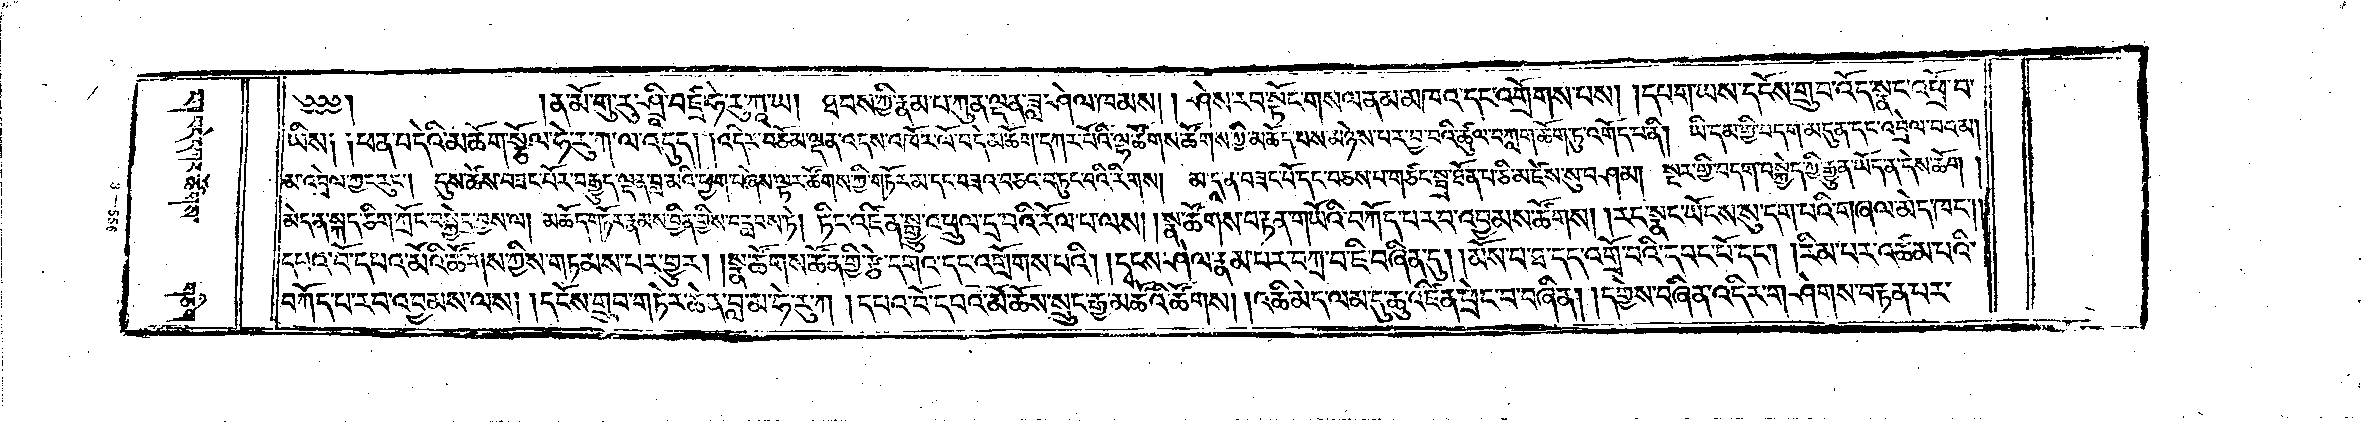༄༅༅། །ན་མོ་གུ་རུ་ཤྲཱི་བཛྲ་ཧེ་རུ་ཀཱ་ཡ། ཐབས་ཀྱི་རྣམ་པ་ཀུན་ལྡན་ཟླ་ཤེལ་ཁམས། །ཤེས་རབ་སྟོང་གསལ་ནམ་མཁའ་དང་འགྲོགས་པས། །དཔག་ཡས་དངོས་གྲུབ་འོད་སྣང་འཕྲོ་བ་
ཡིས༑ ༑ཕན་བདེའི་མཆོག་སྩོལ་ཧེ་རུ་ཀ་ལ་འདུད། །འདིར་བཅོམ་ལྡན་འདས་འཁོར་ལོ་བདེ་མཆོག་དཀར་པོའི་ལྷ་ཚོགས་ཚོགས་ཀྱི་མཆོད་པས་མཉེས་པར་བྱ་བའི་ཚུལ་བཀླག་ཆོག་ཏུ་འགོད་པ་ནི། ཡི་དམ་གྱི་བདག་མདུན་དང་འབྲེལ་བའམ།
མ་འབྲེལ་ཀྱང་རུང་། དུས་ཚེས་བཟང་པོར་བརྒྱུད་ལྡན་བླ་མའི་ཕྱག་བཞེས་ལྟར་ཚོགས་ཀྱི་གཏོར་མ་དང་བཟའ་བཅའ་བཏུང་བའི་རིགས། མ་དཱ་ན་བཟང་པོ་དང་བཅས་པ་གཙང་སྦྲ་ཐོན་པ་ཅི་མཛེས་སུ་བཤམ། སྔར་གྱི་བདག་བསྐྱེད་ཀྱི་རྒྱུན་ཡོད་ན་དེས་ཆོག །
མེད་ན་སྐད་ཅིག་ཀྲོང་བསྐྱེད་བྱས་ལ། མཆོད་གཏོར་རྣམས་བྱིན་གྱིས་བརླབས་ཏེ། ཏིང་འཛིན་སྒྱུ་འཕྲུལ་དྲ་བའི་རོལ་པ་ལས། །སྣ་ཚོགས་བརྟན་གཡོའི་བཀོད་པ་རབ་འབྱམས་ཚོགས། །རང་སྣང་ཡོངས་སུ་དག་པའི་གཞལ་མེད་ཁང།།
དཔའ་བོ་དཔའ་མོའི་ཚོགས་ཀྱིས་གཏམས་པར་གྱུར། །སྣ་ཚོགས་ཚོན་གྱི་རྩེ་དགའ་དང་འགྲོགས་པའི། །དྭངས་ཤེལ་རྣམ་པར་བཀྲ་བ་ཇི་བཞིན་དུ། །མོས་པ་ཐ་དད་འགྲོ་བའི་དབང་པོ་དང་། །རིམ་པར་འཚམ་པའི་
བཀོད་པ་རབ་འབྱམས་ལས། །དངོས་གྲུབ་གཏེར་ཆེན་བླ་མ་ཧེ་རུ་ཀ །དཔའ་བོ་དཔའ་མོ་ཆོས་སྲུང་རྒྱ་མཚོའི་ཚོགས། །འཆི་མེད་ལམ་དུ་ཆུ་འཛིན་ཕྲེང་བ་བཞིན། །དགྱེས་བཞིན་འདིར་གཤེགས་བརྟན་པར་